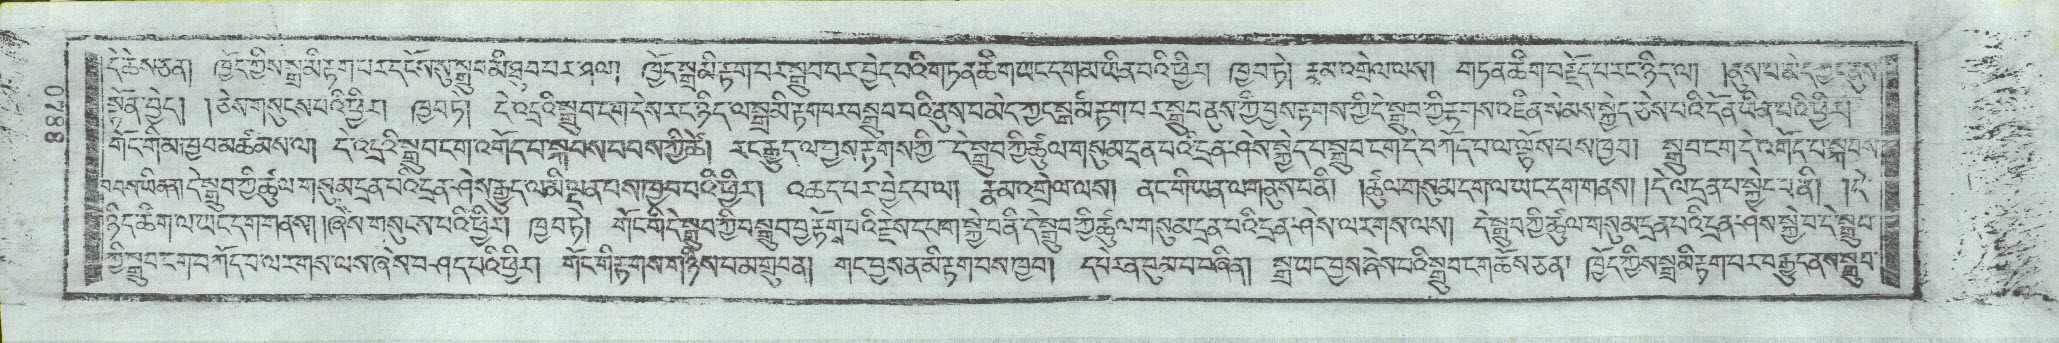དེ་ཆོས་ཅན། ཁྱོད་ཀྱིས་སྒྲ་མི་རྟག་པར་དངོས་སུ་སྒྲུབ་མི་ཐུབ་པར་ཐལ། ཁྱོད་སྒྲ་མི་རྟག་པར་སྒྲུབ་པར་བྱེད་པའི་གཏན་ཚིག་ཡང་དག་མ་ཡིན་པའི་ཕྱིར། ཁྱབ་ཏེ། རྣམ་འགྲེལ་ལས། གཏན་ཚིག་བརྗོད་པ་རང་ཉིད་ལ། །ནུས་པ་མེད་ཀྱང་ནུས་
སྟོན་བྱེད། །ཅེས་གསུངས་པའི་ཕྱིར། ཁྱབ་ཏེ། དེ་འདྲའི་སྒྲུབ་ངག་དེས་རང་ཉིད་ལ་སྒྲ་མི་རྟག་པར་བསྒྲུབ་པའི་ནུས་པ་མེད་ཀྱང་སྒྲ་མི་རྟག་པར་སྒྲུབ་ནུས་ཀྱི་བྱས་རྟགས་ཀྱི་དེ་སྒྲུབ་ཀྱི་རྟགས་འཛིན་སེམས་སྐྱེད་ཅེས་པའི་དོན་ཡིན་པའི་ཕྱིར།
གོང་གི་མ་ཁྱབ་མཚམས་ལ། དེ་འདྲའི་སྒྲུབ་ངག་འགོད་པ་སྐབས་བབས་ཀྱི་ཚེ། རང་རྒྱུད་ལ་བྱས་རྟགས་ཀྱི་དེ་སྒྲུབ་ཀྱི་ཚུལ་གསུམ་དྲན་པའི་དྲིན་ཤེས་སྐྱེད་པ་སྒྲུབ་ངག་དེ་བཀོད་པ་ལ་ལྟོས་པས་ཁྱབ། སྒྲུབ་ངག་དེ་འགོད་བ་སྐབས་
བབས་ཡིན་ན། དེ་སྒྲུབ་ཀྱི་ཚུལ་གསུམ་དྲན་པའི་དྲན་ཤེས་རྒྱུད་ལ་མི་ལྡན་པས་ཁྱབ་པའི་ཕྱིར། འཆད་པར་བྱེད་པ་ལ། རྣམ་འགྲེལ་ལས། ནང་གི་ཡན་ལག་ནུས་པ་ནི། །ཚུལ་གསུམ་དག་ལ་ཡང་དག་གནས། །དེ་ལ་དྲན་པ་སྐྱེད་པ་ནི། །དེ་
ཉིད་ཚིག་ལ་ཡང་དག་གནས། །ཞེས་གསུངས་པའི་ཕྱིར། ཁྱབ་ཏེ། གོང་གི་དེ་སྒྲུབ་ཀྱི་བསྒྲུབ་བྱ་རྟོགས་པའི་རྗེས་དཔག་སྐྱེ་བ་ནི་དེ་སྒྲུབ་ཀྱི་ཚུལ་གསུམ་དྲན་པའི་དྲན་ཤེས་ལ་རགས་ལས། དེ་སྒྲུབ་ཀྱི་ཚུལ་གསུམ་དྲན་པའི་དྲན་ཤེས་སྐྱེ་བ་དེ་སྒྲུབ་
ཀྱི་སྒྲུབ་ངག་བཀོད་པ་ལ་རགས་ལས་ཞེས་བཤད་པའི་ཕྱིར། གོང་གི་རྟགས་གཉིས་པ་མ་གྲུབ་ན། གང་བྱས་ན་མི་རྟག་པས་ཁྱབ། དཔེར་ན་བུམ་པ་བཞིན། སྒྲ་ཡང་བྱས་ཞེས་པའི་སྒྲུབ་ངག་ཆོས་ཅན། ཁྱོད་ཀྱིས་སྒྲ་མི་རྟག་པར་བརྒྱུད་ནས་སྒྲུབ་